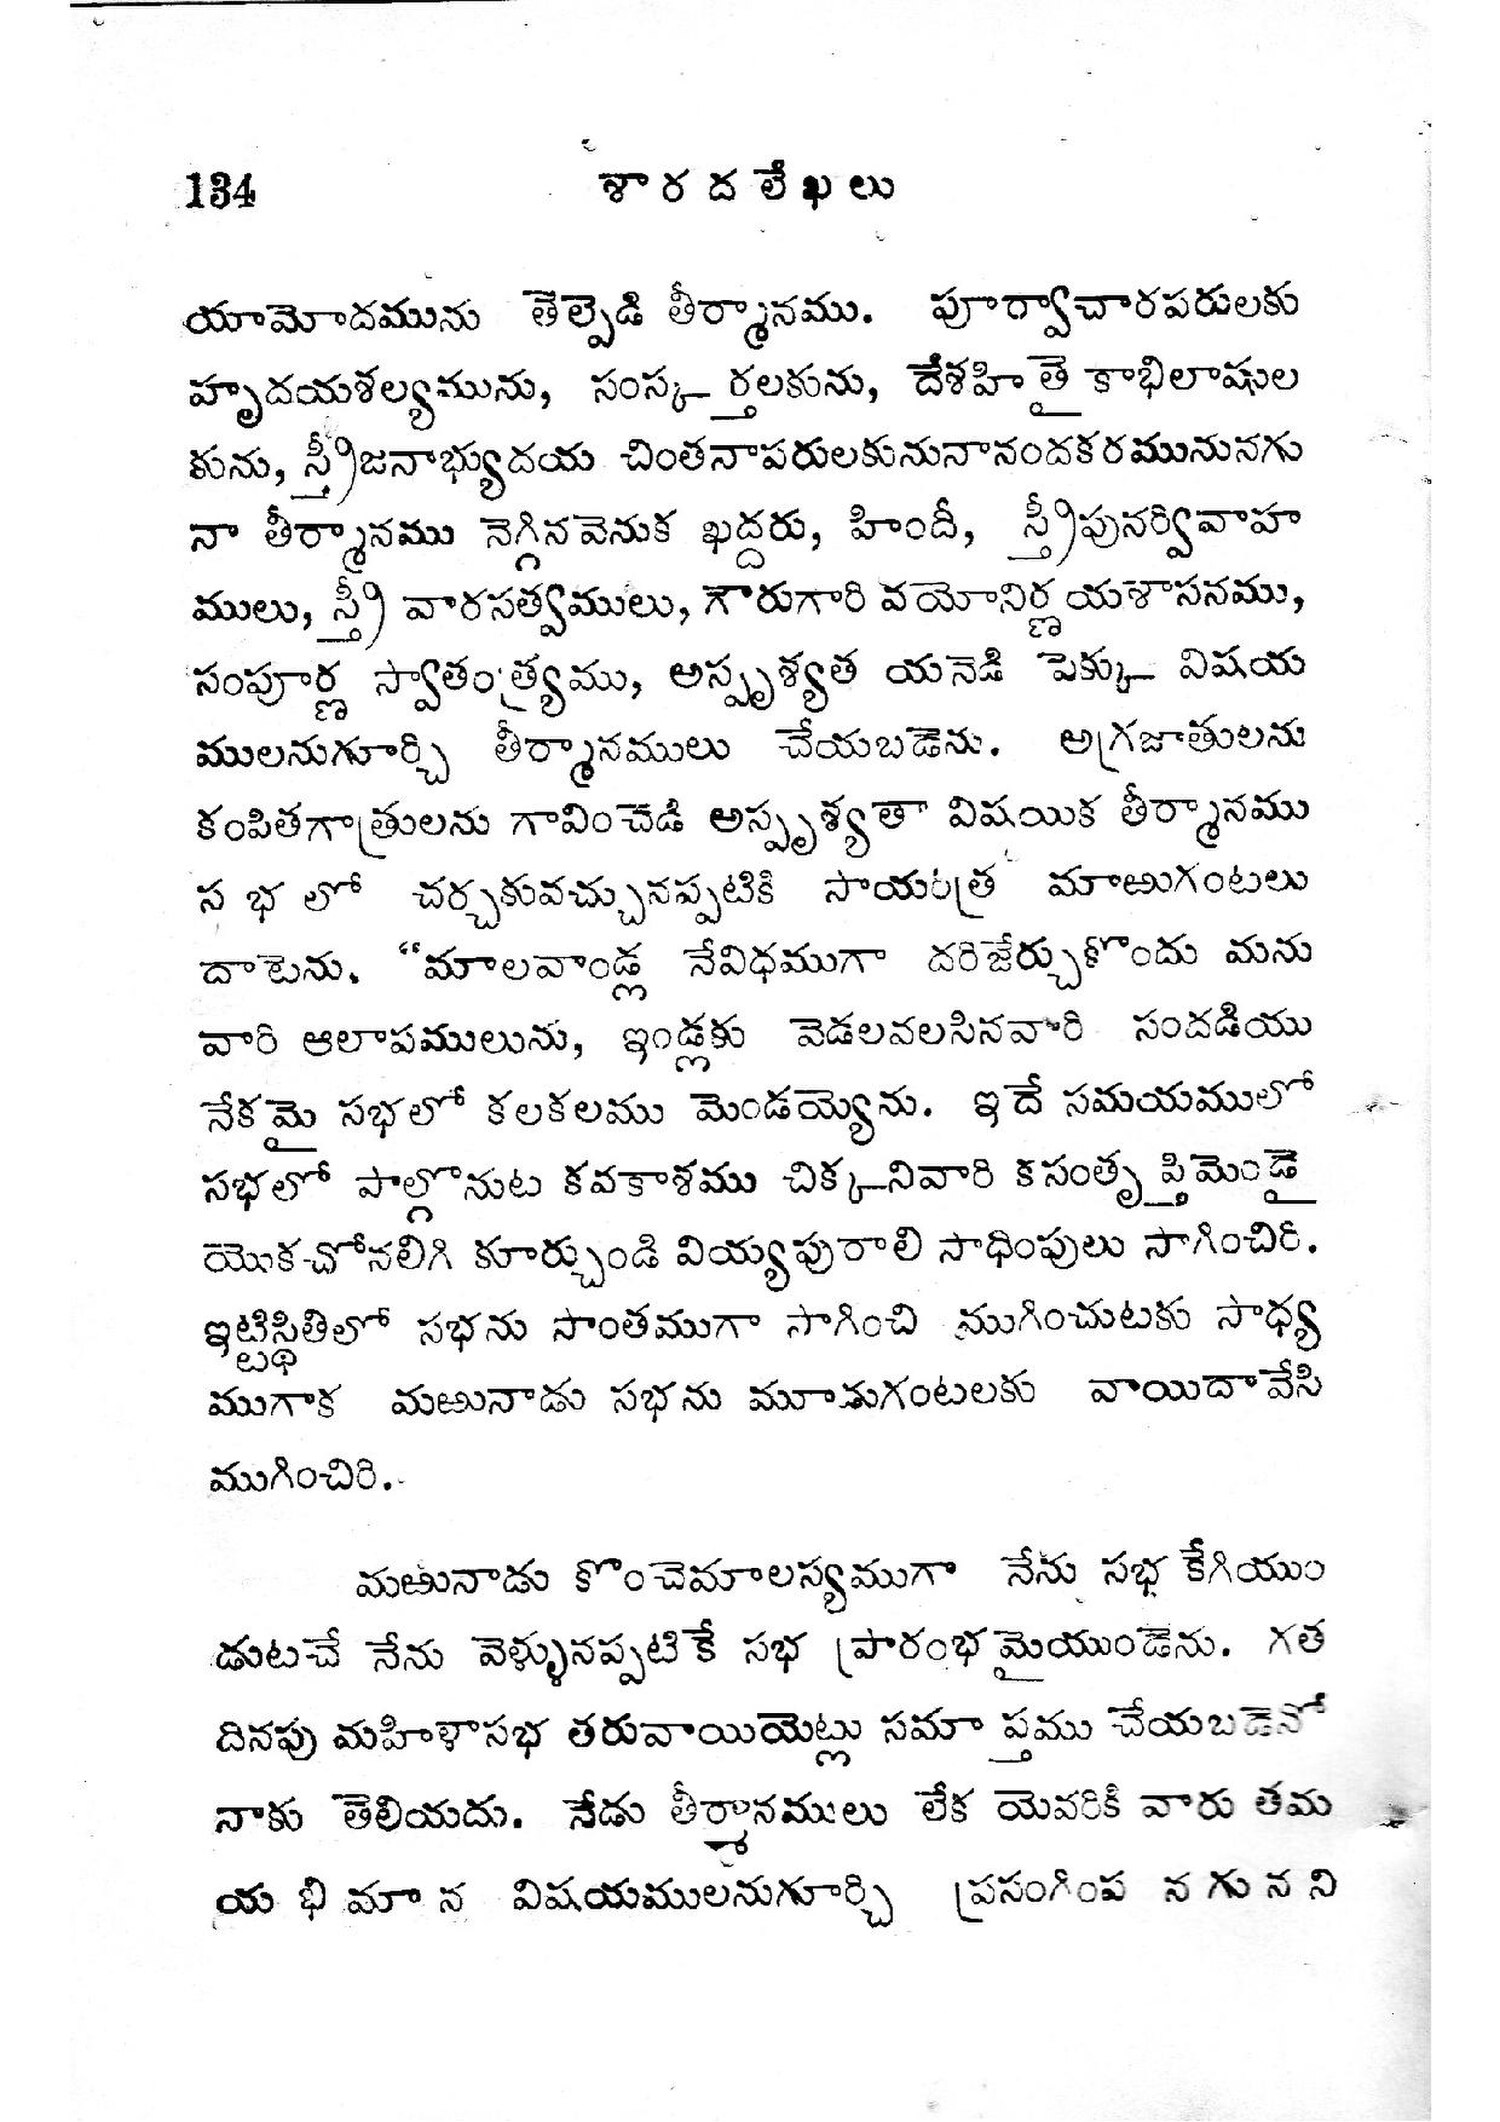యామోదమును తెల్పెడి తీర్మానము. పూర్వాచారపరులకు హృదయశల్యమును, సంస్కర్తలకును, దేశహితైకాభిలాషులకును, స్త్రీజనాభ్యుదయ చింతనాపరులకును నానందకరమునునగు నా తీర్మానము నెగ్గినవెనుక ఖద్దరు, హిందీ, స్త్రీపునర్వివాహములు, స్త్రీ వారసత్వములు, గౌరుగారి వయోనిర్ణయశాసనము,
సంపూర్ణ స్వాతంత్య్రము, అస్పృశ్యత యనెడి పెక్కు విషయములనుగూర్చి తీర్మానములు చేయబడెను. అగ్రజాతులను కంపితగాత్రులను గావించెడి అస్పృశ్యతా విషయిక తీర్మానము సభలో చర్చకువచ్చునప్పటికి సాయంత్ర మాఱుగంటలు దాటెను. “మాలవాండ్ల నేవిధముగా దరిజేర్చుకొందు మనువారి ఆలాపములును, ఇండ్లకు వెడలవలసినవారి సందడియు నేకమై సభలో కలకలము మెండయ్యెను. ఇదే సమయములో
సభలో పాల్గొనుట కవకాశము చిక్కనివారి కసంతృప్తిమెండై యొకచోనలిగి కూర్చుండి వియ్యపురాలి సాధింపులు సాగించిరి. ఇట్టిస్థితిలో సభను సాంతముగా సాగించి ముగించుటకు సాధ్యముగాక మఱునాడు సభను మూడుగంటలకు వాయిదావేసి ముగించిరి.

మఱునాడు కొంచెమాలస్యముగా నేను సభ కేగియుండుటచే నేను వెళ్ళునప్పటికే సభ ప్రారంభమైయుండెను. గత దినపు మహిళాసభ తరువాయియెట్లు సమాప్తము చేయబడెనో నాకు తెలియదు. నేడు తీర్మానములు లేక యెవరికి వారు తమ యభిమాన విషయములను గూర్చి ప్రసంగింప నగునని